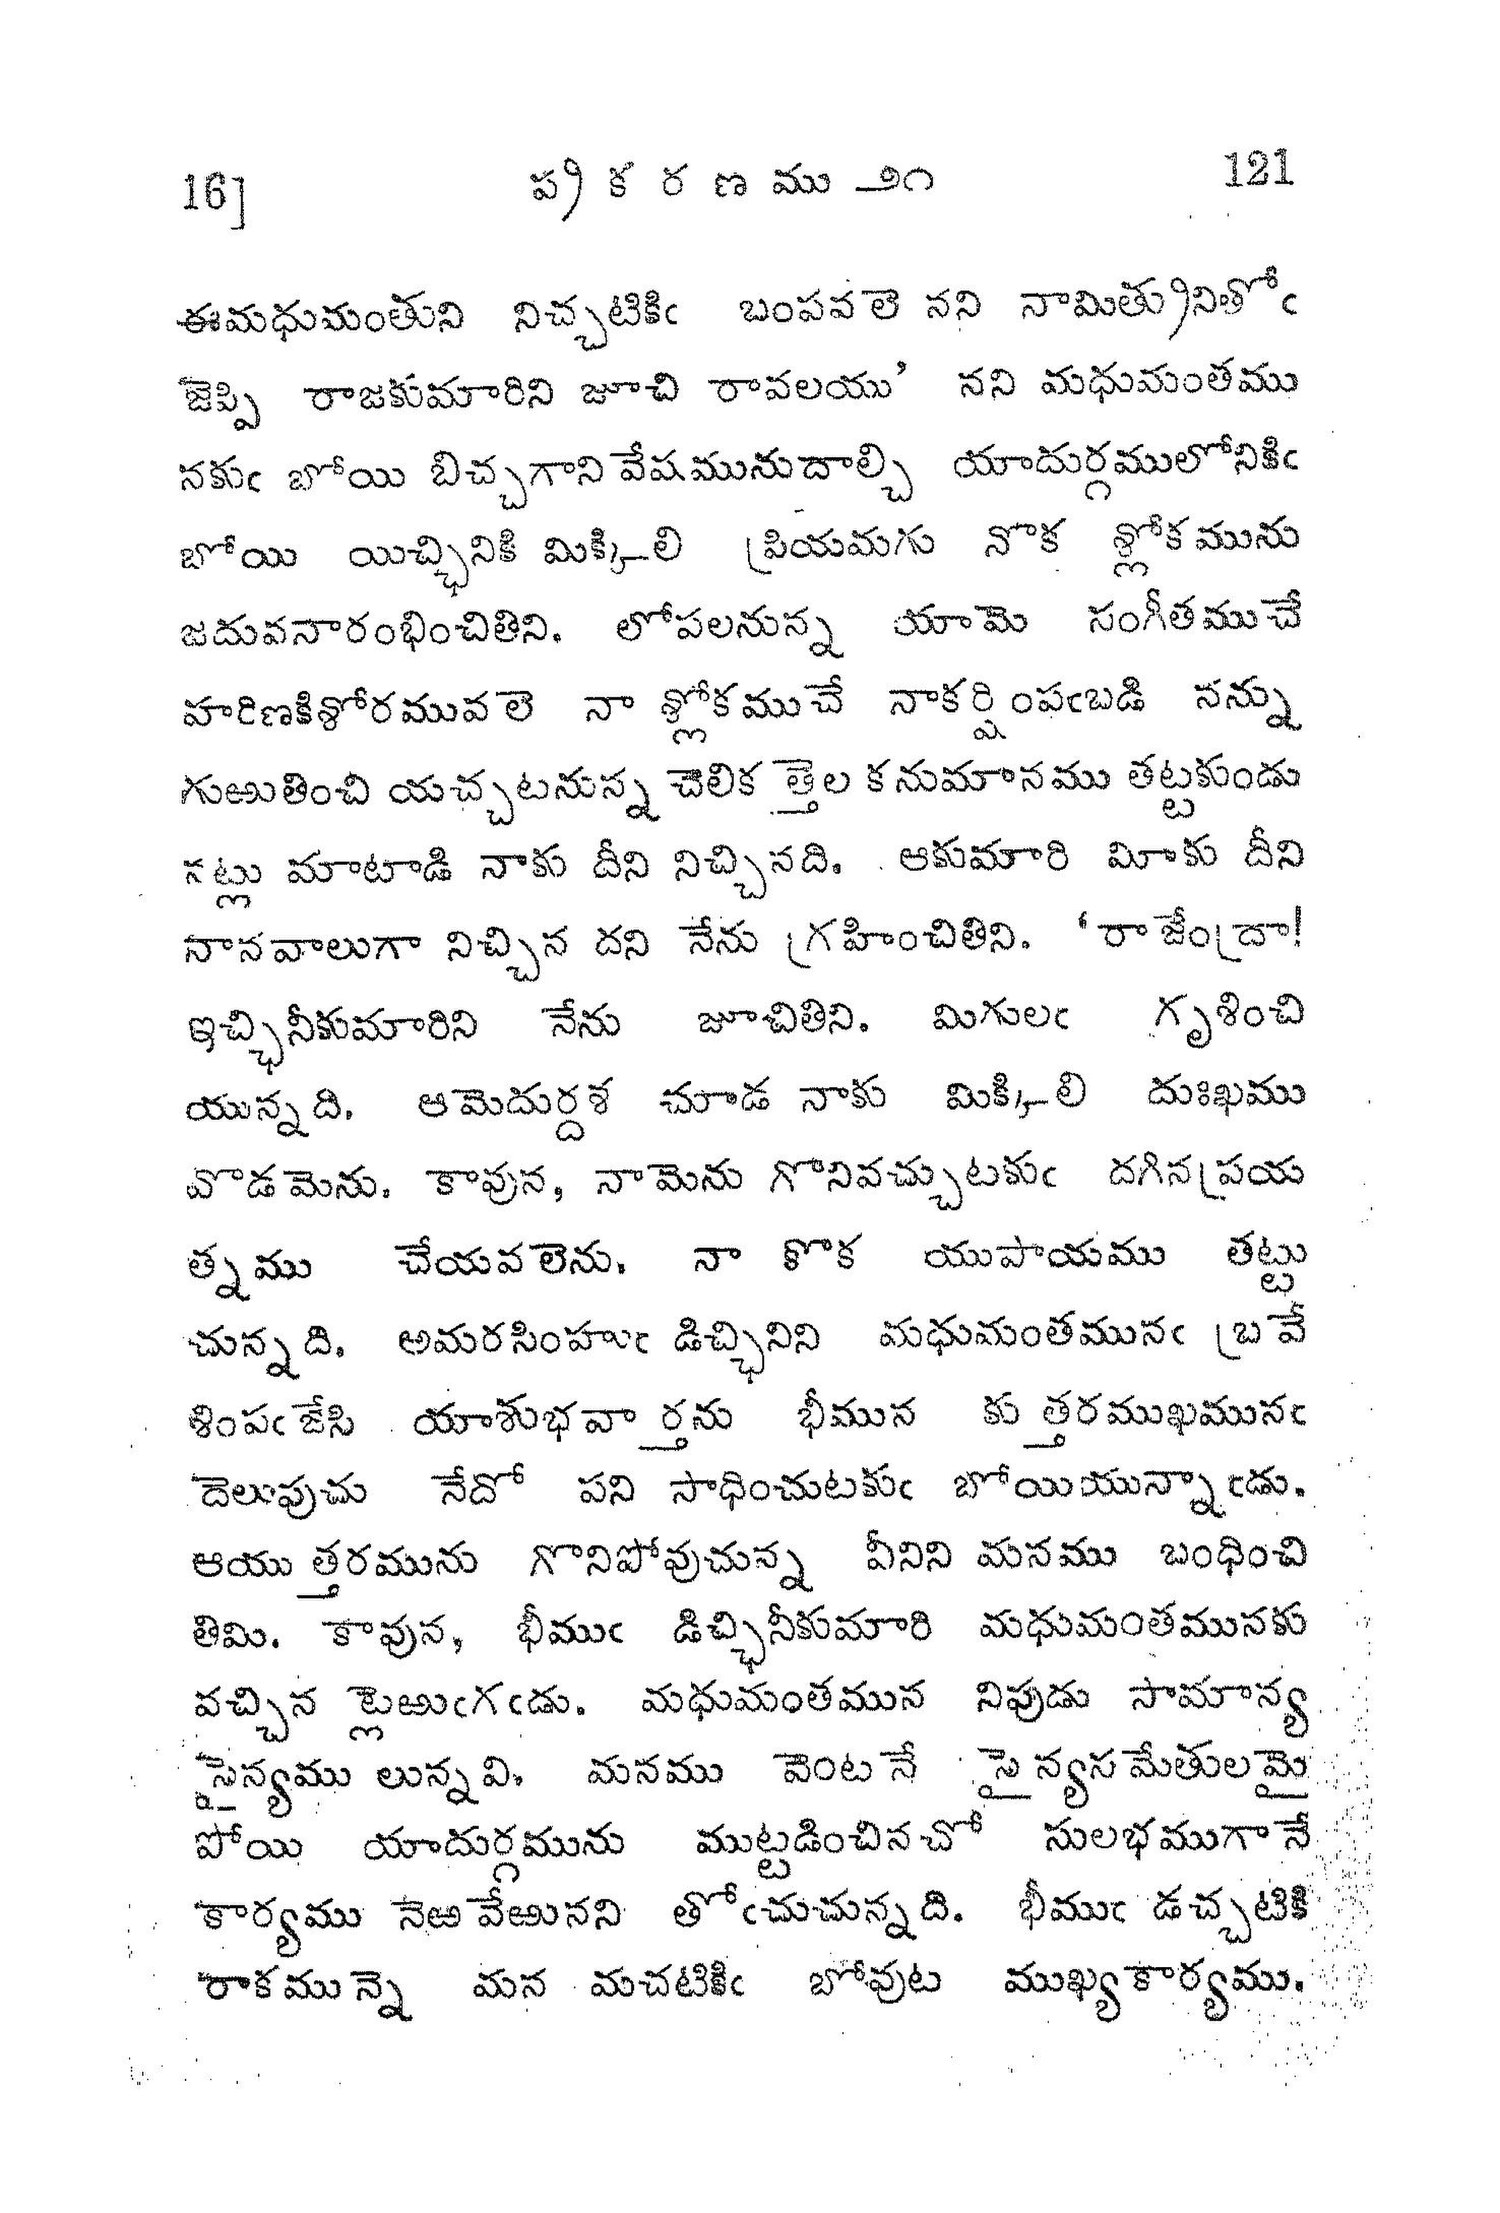ఈ మధుమంతుని నిచ్చటికిఁ బంపవలె నని నామిత్రునితో 'జెప్పి రాజకుమారిని జూచి రావలయునని మధుమంతము నకుఁ బోయి బిచ్చగాని వేషమును దాల్చి యాదుర్గములోనికి బోయి యిచ్ఛినికి మిక్కిలి ప్రియమగు నొక శ్లోకమును జదువనారంభించితిని. లోపలనున్న యామె సంగీతము చే హరిణకిశోరమువలె నా శ్లోకము చే నాకర్షింపఁబడి నన్ను గుఱుతించి యచ్చటనున్న చెలికత్తెల కనుమానము తట్టకుండు సట్లు మాటాడి నాకు దీని నిచ్చినది. . ఆకుమారి నాకు దీని నానవాలుగా నిచ్చిన దని నేను గ్రహించితిని. “రాజేంద్రా! ఇచ్ఛినీకుమారిని నేను జూచితిని.గృశించి యున్నది. ఆమె దుర్గశ \చూడ నాకు మిక్కిలి దుఃఖమువొడమెను. కావున, నామెను గొనివచ్చుటకుఁ దగిన ప్రయ త్నముచేయవలెను. నాకొక యుపాయము తట్టు చున్నది. అమర సింహుఁ డిచ్ఛినిని మధుమంతమునఁ బ్రవే శింపఁ జేసి - యాశుభ వార్తను భీమున కుత్తర ముఖమునఁ దెలుపుచు నేదో పని సాధించుటకుఁ బోయియున్నాఁడు, ఆయుత్తరమును గొనిపోవుచున్న వీనిని మనము బంధించి తిమి. కావున, భీముఁ డిచ్ఛినీకుమారి మధుమంతమునకు వచ్చినట్లెఱుఁగఁడు. మధుమంతమున నిపుడు సామాన్య సైన్యము లున్నవి. మనము వెంటనే సై న్యసమేతులమై పోయి యాదుర్గమును ముట్టడించినచో సులభముగా నే కార్యము నేఱ వేఱునని తోచుచున్నది. భీముఁ డచ్చటికి రాకము న్నె మన మచటికీ బోవుట ముఖ్య కార్యము,